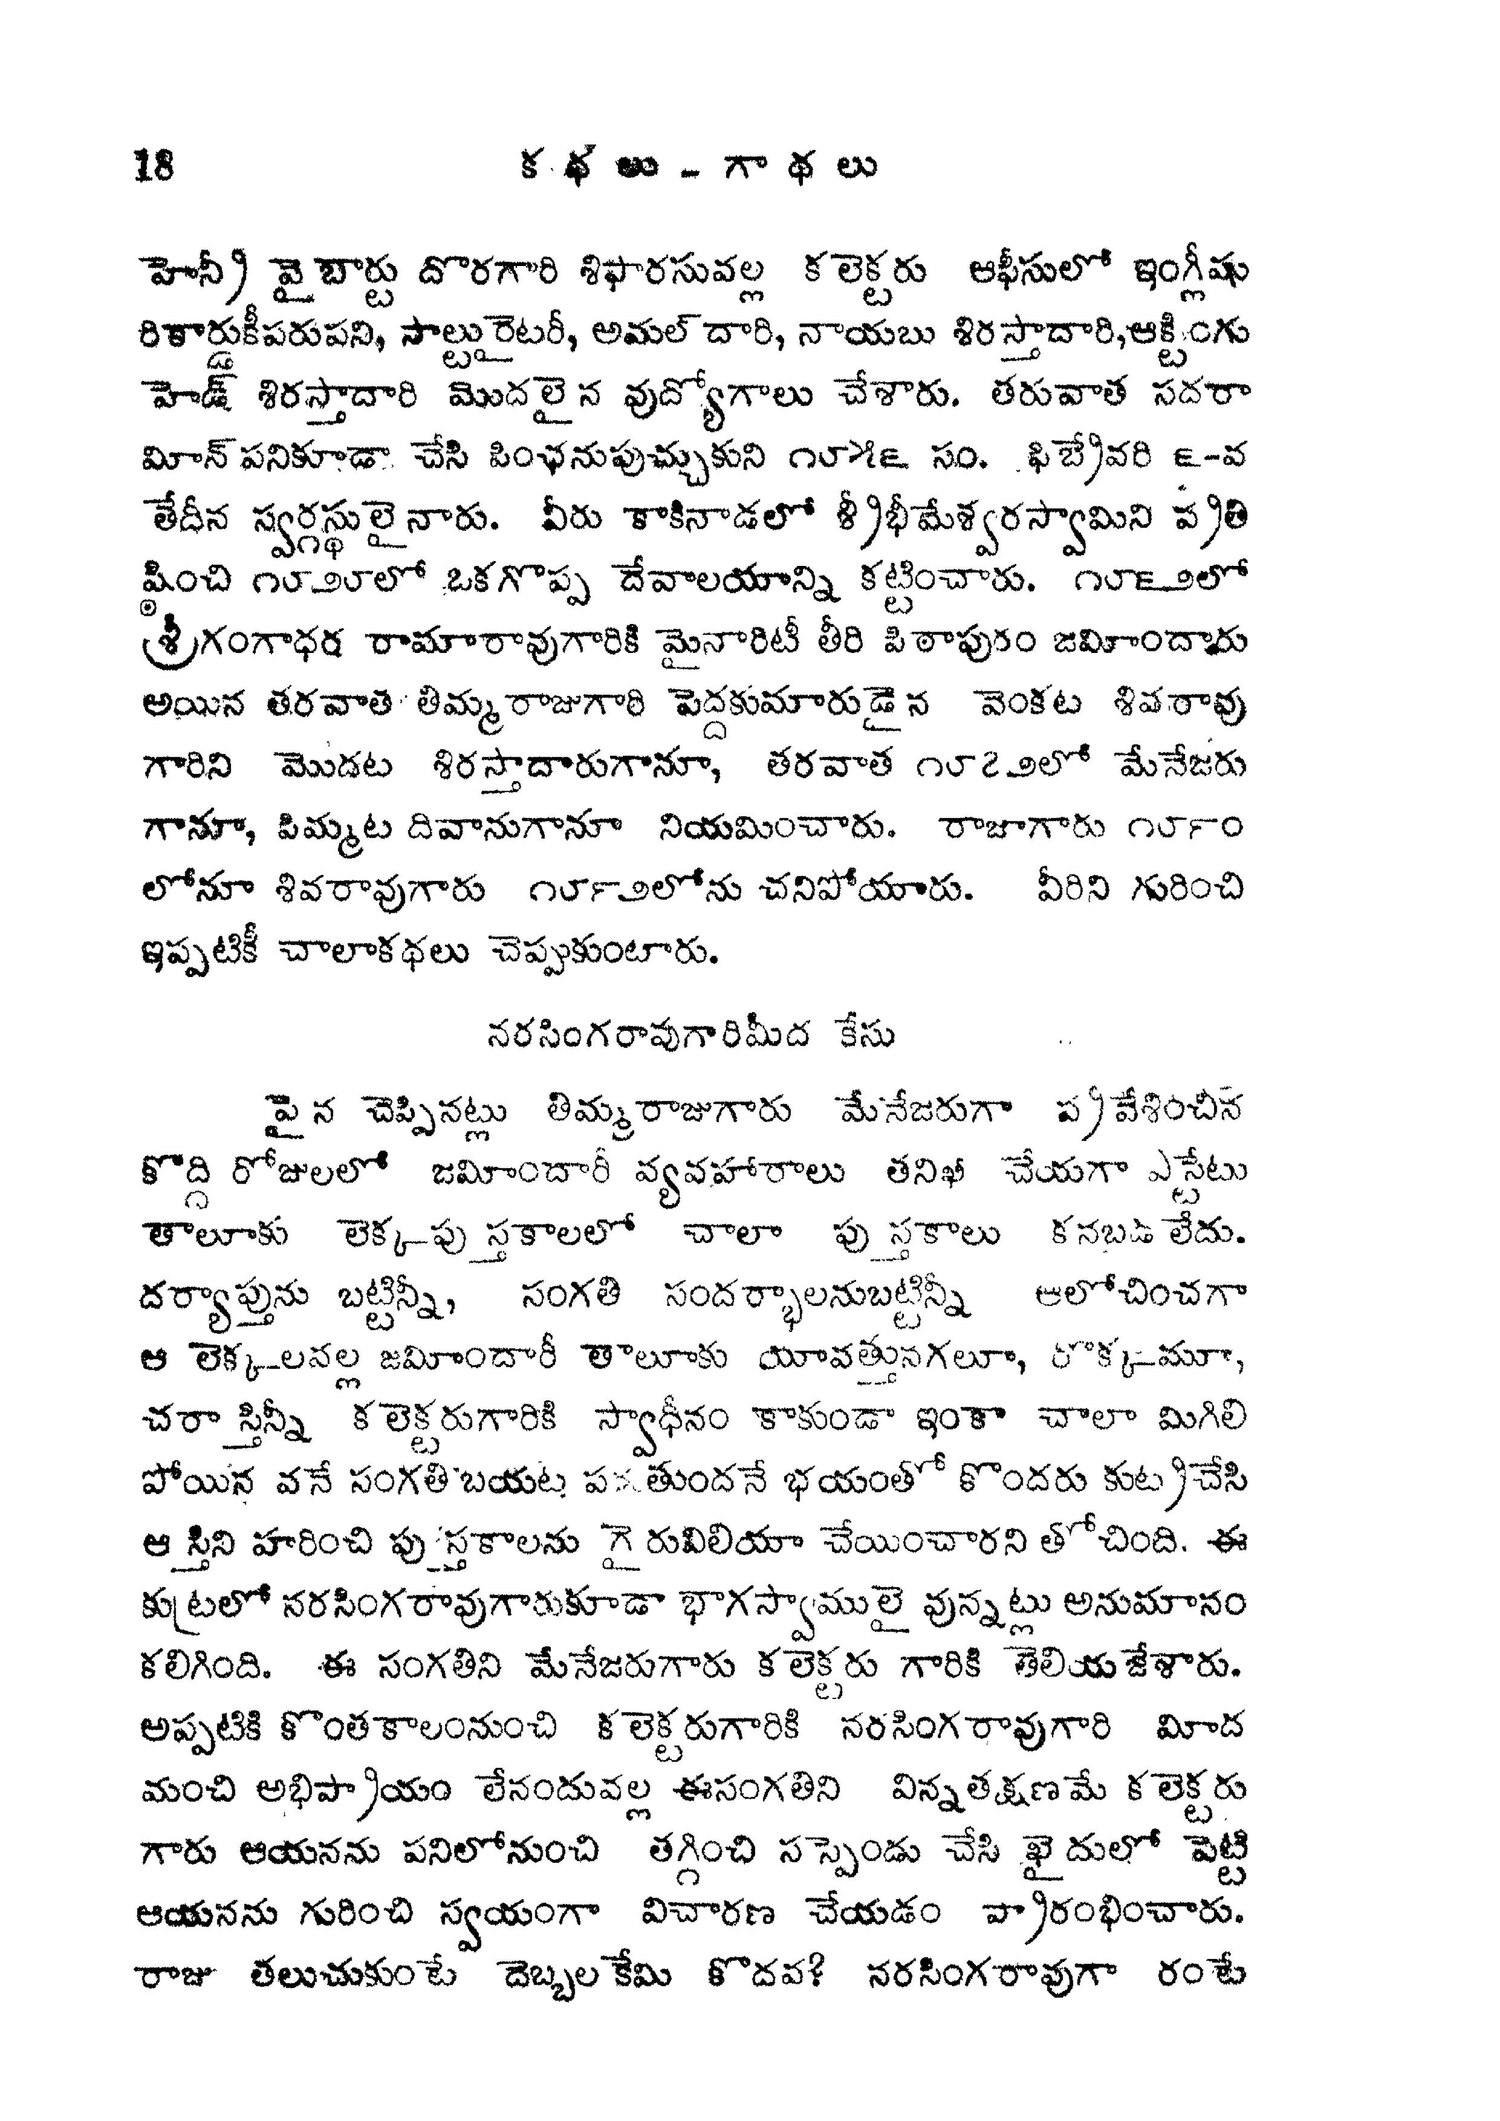హెన్రీ వైబార్టు దొరగారి శిఫారసువల్ల కలక్టరు ఆఫీసులో ఇంగ్లీషు రికార్డుకీపరుపని, సాల్టురైటరీ, అమల్ దారి, నాయబు శిరస్తాదారి, ఆక్టింగు హెడ్ శిరస్తాదారి మొదలైన వుద్యోగాలు చేశారు. తరువాత సదరామీన్ పనికూడా చేసి పించను పుచ్చుకుని 1856 సం. ఫిబ్రేవరి 6 వ తేదీన స్వర్గస్థులైనారు. వీరు కాకినాడలో శ్రీభీమేశ్వరస్వామిని ప్రతిష్ఠించి 1828లో ఒకగొప్ప దేవాలయాన్ని కట్టించారు. 1862లో శ్రీగంగాధర రామారావుగారికి మైనారిటీ తీరి పిఠాపురం జమీందారు అయిన తరువాత తిమ్మరాజుగారి పెద్దకుమారుడైన వెంకట శివరావు గారిని మొదట శిరస్తాదారుగానూ, తరవాత 1872లో మేనేజరు గానూ, పిమ్మట దివాను గానూ నియమించారు. రాజాగారు 1890 లోనూ శివరావుగారు 1892లోనూ చనిపోయారు. వీరిని గురించి ఇప్పటికీ చాలాకధలు చెప్పుకుంటారు.
 

పైన చెప్పినట్లు తిమ్మరాజుగారు మేనెజరుగా ప్రవేశించిన కొద్ది రోజులలో జమీందారీ వ్యవహారాలు తనిఖీ చేయగా ఎస్టేటు తాలూకు లెక్కపుస్తకాలలో చాలా పుస్తకాలు కనబడలేదు. దర్యాప్తును బట్టిన్నీ, సంగతి సందర్భాలను బట్టిన్నీ ఆలోచించగా ఆ లెక్కలవల్ల జమీందారీ తాలూకు ;యావత్తునగలూ, రొక్కమూ, చరాస్తిన్నీ కలెక్టరుగారికి స్వాధీనం కాకుండా ఇంకా చాలా మిగిలి పోయిన వనే సంగతి బయట పడుతుందనే భయంతో కొందరు కుట్రచేసి ఆస్తిని హరించి పుస్తకాలను గైరువిలియా చేయించారని తోచింది. ఈ కుట్రలో నరసింగరావు గారుకూడా భాగస్వాములై వున్నట్లు అనుమానం కలిగింది. ఈ సంగతిని మేనేజరుగారు కలెక్టరు గారికి తెలియజేశారు. అప్పటికి కొంతకాలంనుంచి కలెక్టరు గారికి నరసింగరావుగారి మీద మంచి అభిప్రాయం లేనందువల్ల ఈసంగతిని విన్నతక్షణమే కలెక్టరు గారు ఆయనను పనిలోనుంచి తగ్గించి సస్పెండు చేసి ఖైదులో పెట్టి ఆయనను గురించి స్వయంగ విచారణ చేయడం ప్రారంఃభించారు. రాజు తలుచుకుంటే దెబ్బలకేమి కొదవ? నరసింగరావు గారంటే